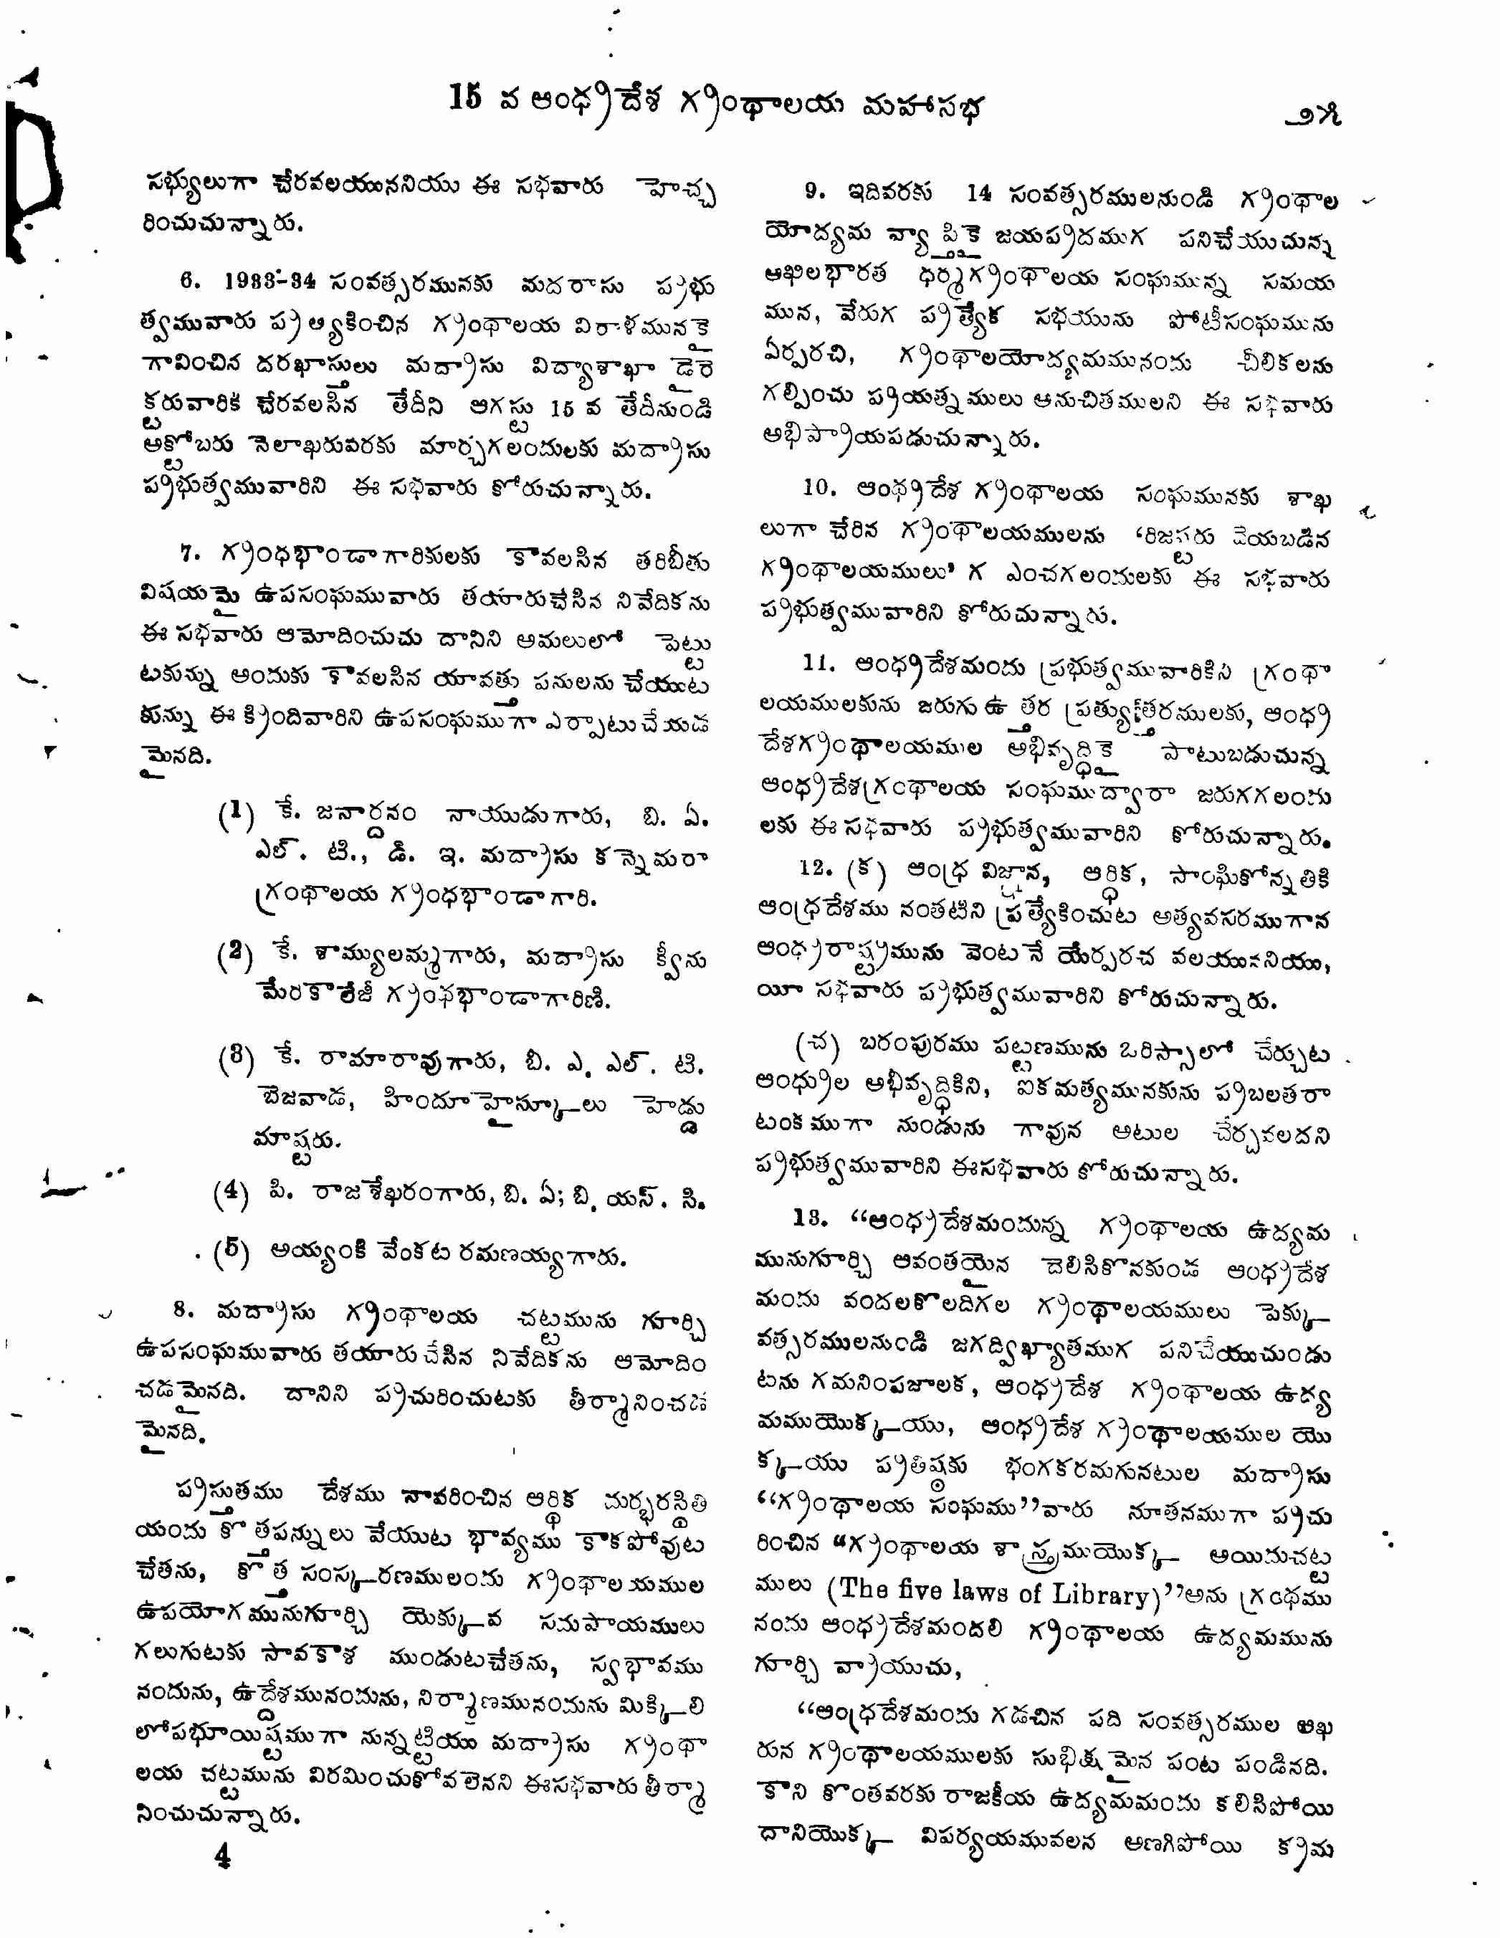సభ్యులుగా చేరవలయుననియు ఈ సభవారు హెచ్చరించు చున్నారు.

6. 1983-84 సంవత్సరమునకు మదరాసు ప్రభుత్వమువారు ప్రతేకించిన గ్రంథాలయ విరాళమునకై గావించిన దరఖాస్తులు మద్రాసు విద్యాశాఖా డైరెక్టర్ వారికి చేరవలసిన తేదీని ఆగస్టు 15 వ తేదీ నుండి అక్టోబరు నెలాఖరు వరకు మార్చగలందులకు మద్రాసు
ప్రభుత్వము వారిని ఈ సభవారు కోరుచున్నారు.

7. గ్రంధ భాండాగారికులకు కావలసిన తరిబీతు విషయమై ఉపసంఘమువారు తయారుచేసిన నివేదికను ఈ సభవారు ఆమోదించుచు దానిని అమలులో పెట్టుటకు అందుకు కావలసిన యావతు పనులను చేయుటకన్ను ఈ క్రిందివారిని ఉపసంఘముగా ఎర్పాటు 
చేయడమైనది.

(1) కే. జనార్దనం నాయుడు గారు, బి. ఏ.ఎల్. టి., డి. ఇ. మద్రాసు కన్నెమరా గ్రంథాలయ, గ్రంధభాండాగారి

(2) కే. శామ్యులమ్మగారు, మద్రాసు క్వీను మేర కాలేజీ, గ్రంథభాండాగారిణి

(8) కే. రామారావు గారు, బి. ఎ. ఎల్. టి. బెజవాడ, హిందూ హైస్కూలు హెడ్డుమాష్టరు

(4) పి. రాజశేఖరం గారు, బి. ఏ; బి. యస్. సి.

(5) అయ్యంకి వెంకట రమణయ్య గారు

8. మద్రాసు గ్రంథాలయ చట్టమును గూర్చి ఉపసంఘమువారు తయారు చేసిన నివేదికను ఆమోదించడమైనది. దానిని ప్రచురించుటకు తీర్మానించడమైనది.

ప్రస్తుతము దేశము నావరించిన ఆర్థిక దుర్భరస్థితి యందు కొత్తపన్నులు వేయుట భావ్యము కాకపోవుట చేతను, కొత్త సంస్కరణము
లందు గ్రంథాలయముల ఉపయోగమును గూర్చి యెక్కువ సదుపాయములు గలుగుటకు సావకాశ ముండుటచేతను, స్వభావము
నందును, ఉద్దేశమునందును, నిర్మాణమునందును మిక్కిలి లోపభూయిష్టముగా నున్నట్టియు మద్రాసు గ్రంథాలయ చట్టమును విరమించుకోవలెనని ఈసభవారు తీర్మానించుచున్నారు.

9. ఇదివరకు 14 సంవత్సరములనుండి గ్రంథాలయోద్యమ వ్యాప్తికై జయప్రదముగ పనిచేయుచున్న ఆఖిల భారత ధర్మగ్రంథాలయ సంఘమున్న సమయమున, వేరుగ ప్రత్యేక సభయును పోటీ సంఘమును ఏర్పరచి, గ్రంథాలయోద్యమము నందు చీలికలను
గల్పించు ప్రయత్నములు అనుచితములని ఈ సభవారు అభిప్రాయపడుచున్నారు.

10. ఆంధ్ర దేశ గ్రంథాలయ సంఘమునకు శాఖలుగా చేరిన గ్రంథాలయములను "రిజస్టరు చేయబడిన గ్రంథాలయములు" గ ఎంచగలందులకు ఈ సభవారు ప్రభుత్వము వారిని కోరుచున్నారు.

11. ఆంధ్రదేశమందు ప్రభుత్వమువారికిని గ్రంథాలయములకును జరుగు ఉత్తర ప్రత్యుత్తరములకు, ఆంధ్రదేశ గ్రంథాలయముల అభివృద్ధికై పాటుబడుచున్న ఆంధ్రదేశ గ్రంథాలయ సంఘము ద్వారా జరుగ గలందుకు ఈ సభవారు ప్రభుత్వము వారిని 
కోరుచున్నారు.

12. (క) ఆంధ్ర విజ్ఞాన, ఆర్ధిక, సాంఘికోన్నతికి ఆంధ్రదేశము నంతటిని ప్రత్యేకించుట అత్యవసరము గాన ఆంధ్ర రాష్ట్రమును 
వెంటనే యేర్పరచ వలయుననియు, యీ సభవారు ప్రభుత్వమువారిని కోరుచున్నారు.

(చ) బరంపురము పట్టణమును ఒరిస్సాలో చేర్చుట, అంధ్రుల అభివృద్ధికిని, ఐకమత్యమునకును ప్రబలతరాటంకముగా నుండును గావున అటుల చేర్చవలదని ప్రభుత్వమువారిని ఈసభవారు కోరుచున్నారు.

13. 'ఆంధ్ర దేశమందున్న గ్రంథాలయ ఉద్యమమునుగూర్చి అవంతయైన దెలిసికొనకుండ ఆంధ్రదేశ మందు వందలకొలదిగల గ్రంథాలయములు పెక్కు వత్సరములనుండి జగద్విఖ్యాతముగ పనిచేయుచుండుటను గమనింపజాలక, ఆంధ్రదేశ గ్రంథాలయ ఉద్య
మముయొక్కయు, ఆంధ్రదేశ గ్రంథాలయముల యొక్కయు ప్రతిష్ఠకు భంగకరమగునటుల మద్రాసు గ్రంథాలయ సంఘము వారు
నూతనముగా ప్రచురించిన గ్రంథాలయ శాస్త్రము యొక్క ఆయిదు చట్టములు (The five laws of Library) అను గ్రంధము
నందు ఆంధ్రదేశమందలి గ్రంథాలయ ఉద్యమమును గూర్చి వ్రాయుచు, 

“ఆంధ్ర దేశమందు గడచిన పది సంవత్సరముల ఆఖరున గ్రంథాలయములకు సుభిక్షమైన పంట పండినది. కాని కొంతవరకు 
రాజకీయ ఉద్యమమందు కలిసిపోయి, దానియొక్క విపర్యయమువలన అణగిపోయి క్రమ